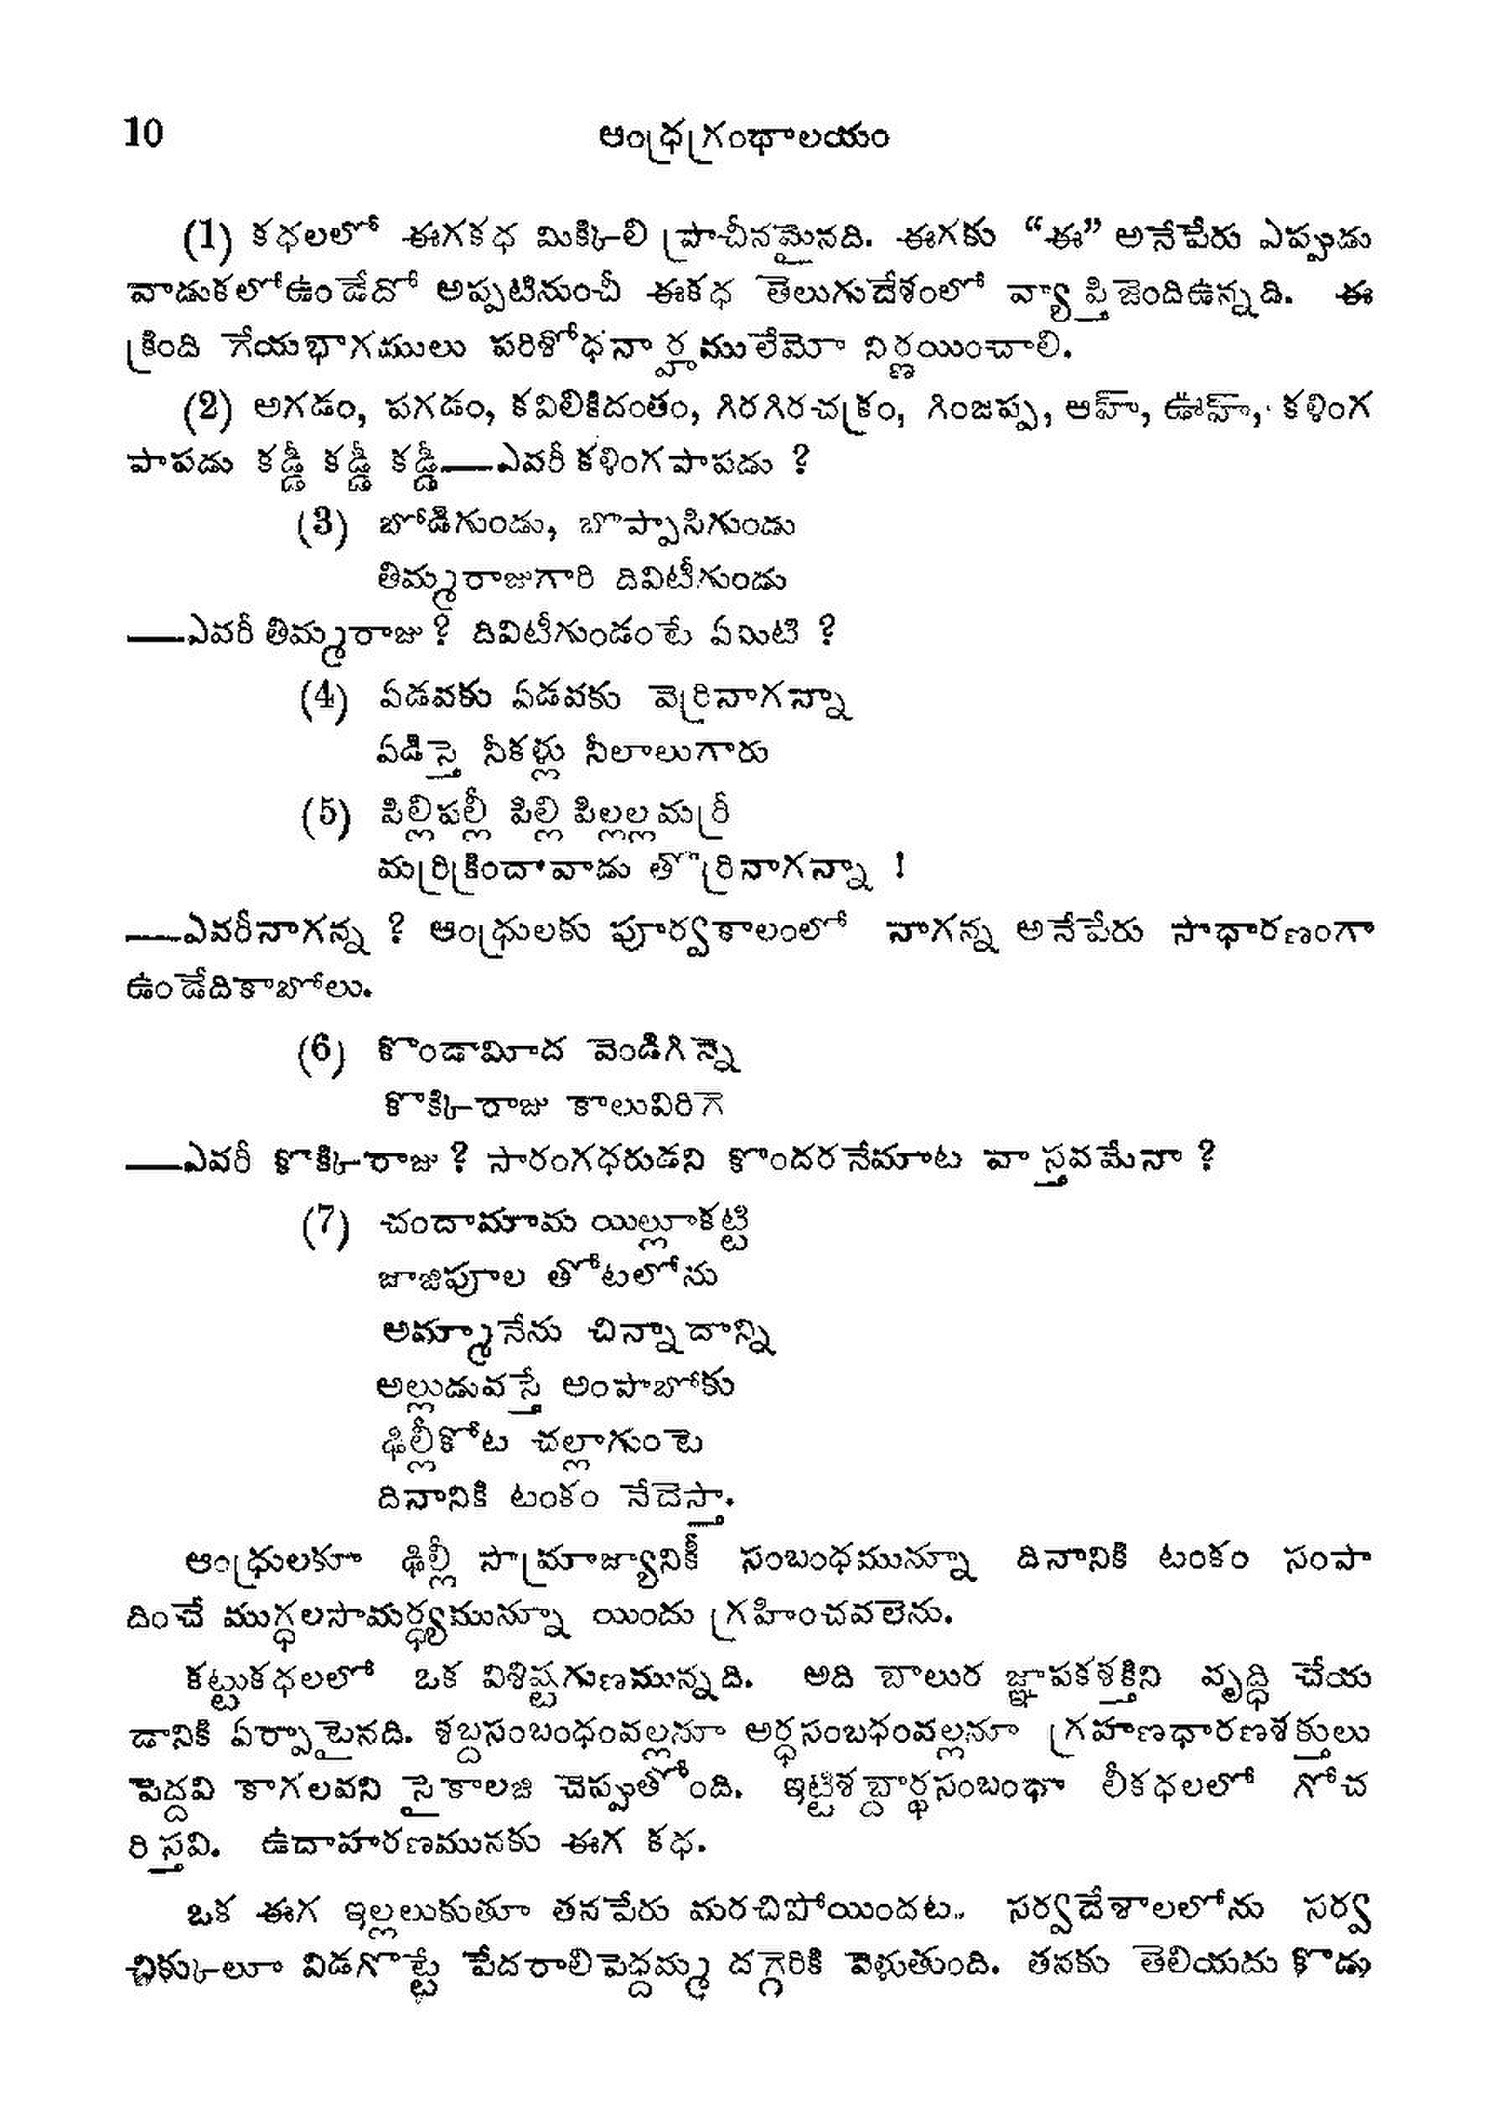(1) కధలలో ఈగ కధ మిక్కిలి ప్రాచీనమైనది. ఈగకు "ఈ" అనేపేరు ఎప్పుడు వాడుకలోఉండేదో అప్పటినుంచీ ఈకధ తెలుగుదేశంలో వ్యాప్తిజెందిఉన్నది. ఈ క్రింది గేయభాగములు పరిశోధనార్హములేమో నిర్ణయించాలి.

(2) అగడం, పగడం, కవిలికిదంతం, గిరగిరచక్రం, గింజప్ప, ఆహ్, ఊహ్, కళింగ పాపడు కడ్డీ కడ్డీ కడ్డీ____ ఎవరీ కళింగ పాపడు? 

(3) బోడిగుండు, బొప్పాసిగుండు 
 తిమ్మరాజుగారి దివిటీ గుండు
___ఎవరీ తిమ్మరాజు ? దివిటీ గుండంటే ఏమిటి ?
(4) ఏడవకు ఏడవకు వెర్రినాగన్నా
 ఏడిస్తే నీకళ్లు నీలాలుగారు
(5) పిల్లిపల్లి పిల్లి పిల్లల్ల మర్రీ
 మర్రిక్రిందావాడు తొర్రినాగన్నా ! 
___ఎవరీనాగన్న ? ఆంధ్రులకు పూర్వకాలంలో నాగన్న అనేపేరు సాధారణంగా ఉండేదికాబోలు. 
(6) కొండామీాద వెండిగిన్నె
 కొక్కిరాజు కాలువిరిగె
-ఎవరీ కొక్కిరాజు ? సారంగధరుడని కొందరనేమాట వాస్తవమేనా? 
(7) చందామామ యిల్లూకట్టి
 జాజిపూల తోటలోను
 అమ్మా నేను చిన్నా దాన్ని
 అల్లుడువస్తే అంపాబోకు
 ఢిల్లీకోట చల్లాగుంటె
 దినానికి టంకం నేదెస్తా.
ఆంధ్రులకూ ఢిల్లీ సామ్రాజ్యానికి సంబంధమున్నూ దినానికి టంకం సంపాదించే ముగ్ధలసామర్ధ్యమున్నూ యిందు గ్రహించవలెను.

కట్టుకధలలో ఒక విశిష్టగుణమున్నది. అది బాలుర జ్ఞాపకశక్తిని వృద్ధి చేయడానికి ఏర్పాటైనది. శబ్దసంబంధంవల్లనూ 
అర్ధసంబధంవల్లనూ గ్రహణధారణశక్తులు పెద్దవి కాగలవని సైకాలజి చెప్పుతోంది. ఇట్టిశబ్దార్థసంబంధా లీకధలలో గోచ
రిస్తవి. ఉదాహరణమునకు ఈగ కధ.

ఒక ఈగ ఇల్లలుకుతూ తనపేరు మరచిపోయిందట. సర్వదేశాలలోను సర్వ చిక్కులూ విడగొట్టే పేదరాలిపెద్దమ్మ 
దగ్గరికి వెళుతుంది. తనకు తెలియదు కొడు